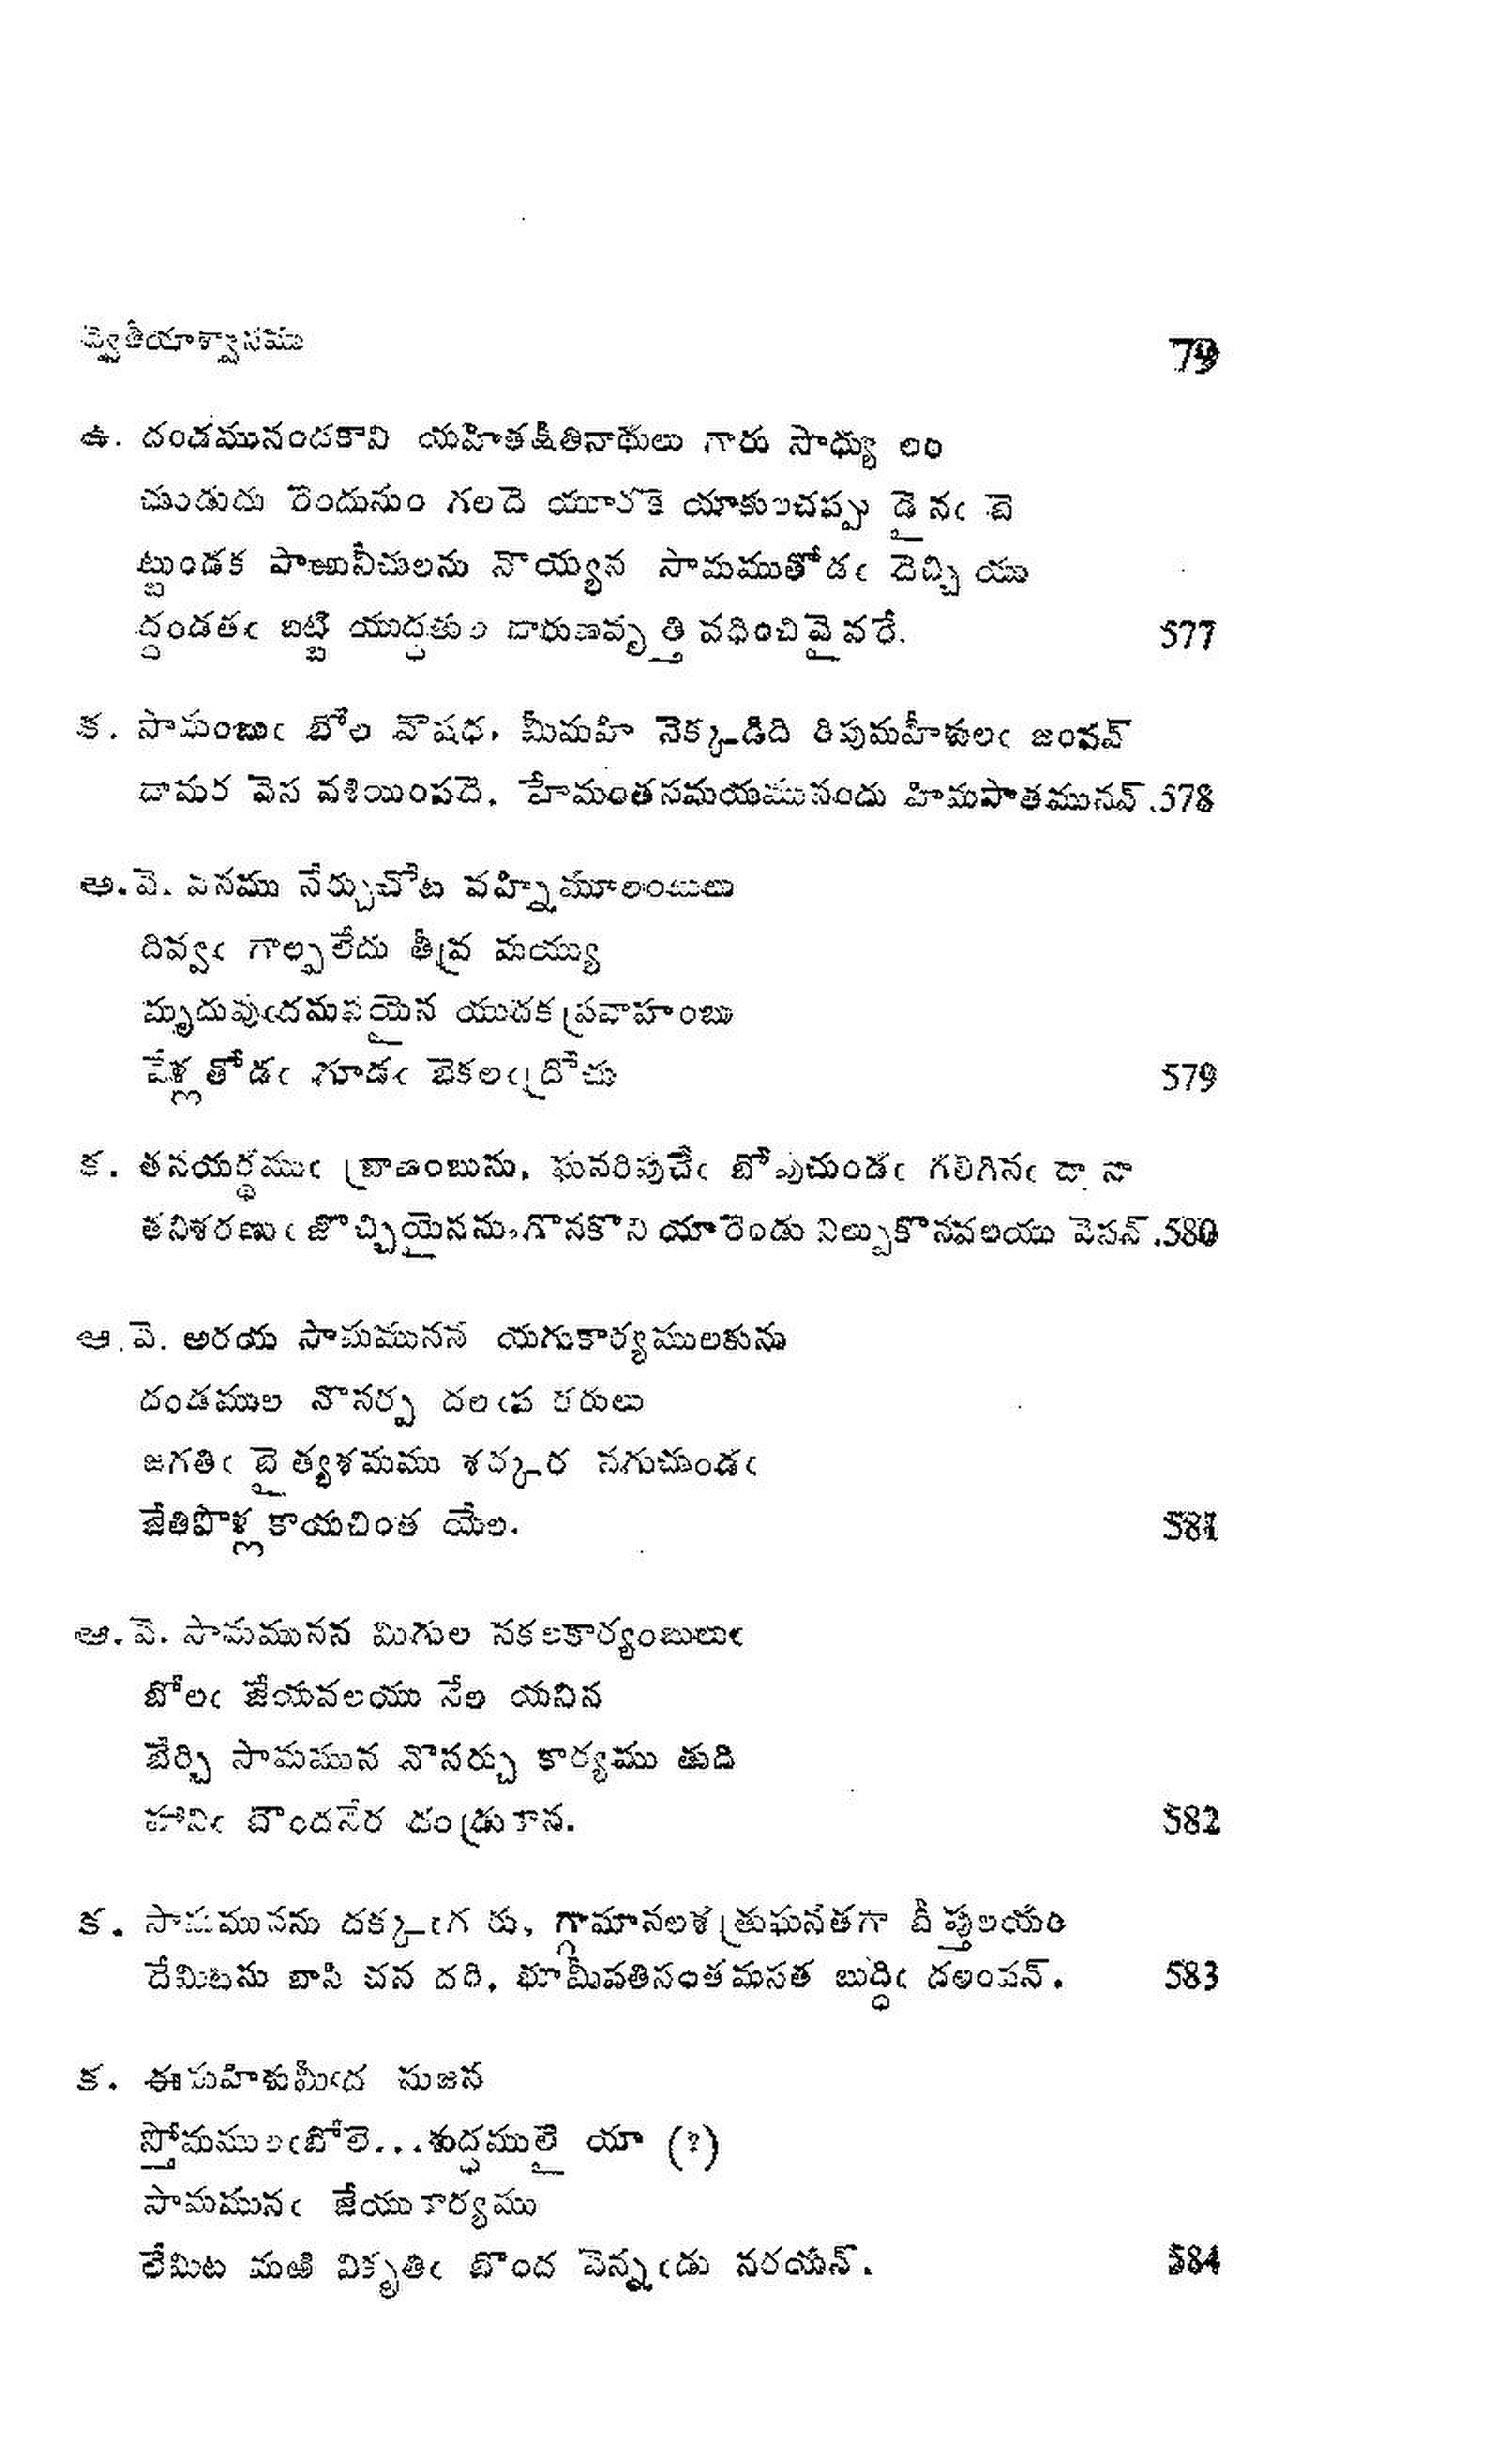ఉ. దండమునందకాని యహితక్షితినాథులు గారు సాధ్యు లం
చుండుదు రెందునుం గలదె యూరకె యాకులచప్పు డైనఁ బె
ట్టుండక పాఱునీచులను వొయ్యన సామముతోడఁ దెచ్చి యు
ద్దండతఁ బట్టి యుద్ధతుల దారుణవృత్తి వధించివైవరే. 577

క. సామంబుఁ బోల నౌషధ
మీమహి నెక్కడిది రిపుమహీశులఁ జంపన్
దామర వెస నశియింపదె
హేమంతసమయమునందు హిమపాతమునన్. 578

ఆ. వనము నేర్చుచోట వహ్నిమూలంబులు
దివ్వఁ గాల్పలేదు తీవ్ర మయ్యు
మృదువుఁదనువయైన యుదకప్రవాహంబు
వేళ్ళతోడఁ గూడఁ బెకలఁద్రోచు. 579

క. తనయర్థముఁ బ్రాణంబును
ఘనరిపుచేఁ బోవుచుండఁ గలిగినఁ దా నా
తనిశరణుఁ జొచ్చియైనను
గొనకొని యారెండు నిల్పుకొనవలయు వెసన్. 580

ఆ. అరయ పాయమునన యగుకార్యములకును
దండముల నొనర్ప దలఁప రరులు
జగతిఁ బైత్యశమము శర్కర నగుచుండఁ
జేతిపొళ్ళకాయచింత యేల. 581

ఆ. సామమునన మిగుల సకలకార్యంబులుఁ
బోలఁ జేయవలయు నేల యనిన
బేర్చి సామమున నొనర్చు కార్యము తుది
హానిఁ బొందనేర దండ్రుకాన. 582

క. సామమునను దక్కఁగ రు
గ్గమానలశత్రుఘనతగా దీప్తులయం
దేమిటను బాసి చన దరి
భూమీపతిసంతమసత బుద్ధిఁ దలంపన్. 583

క. ఈమహిశుమీఁద సుజన
స్తోమములఁ బోలె ...శుద్ధములై యా (?)
సామమునఁ జేయుకార్యము
లేమిట మఱి వికృతిఁ బొంద వెన్నఁడు నరయన్. 584